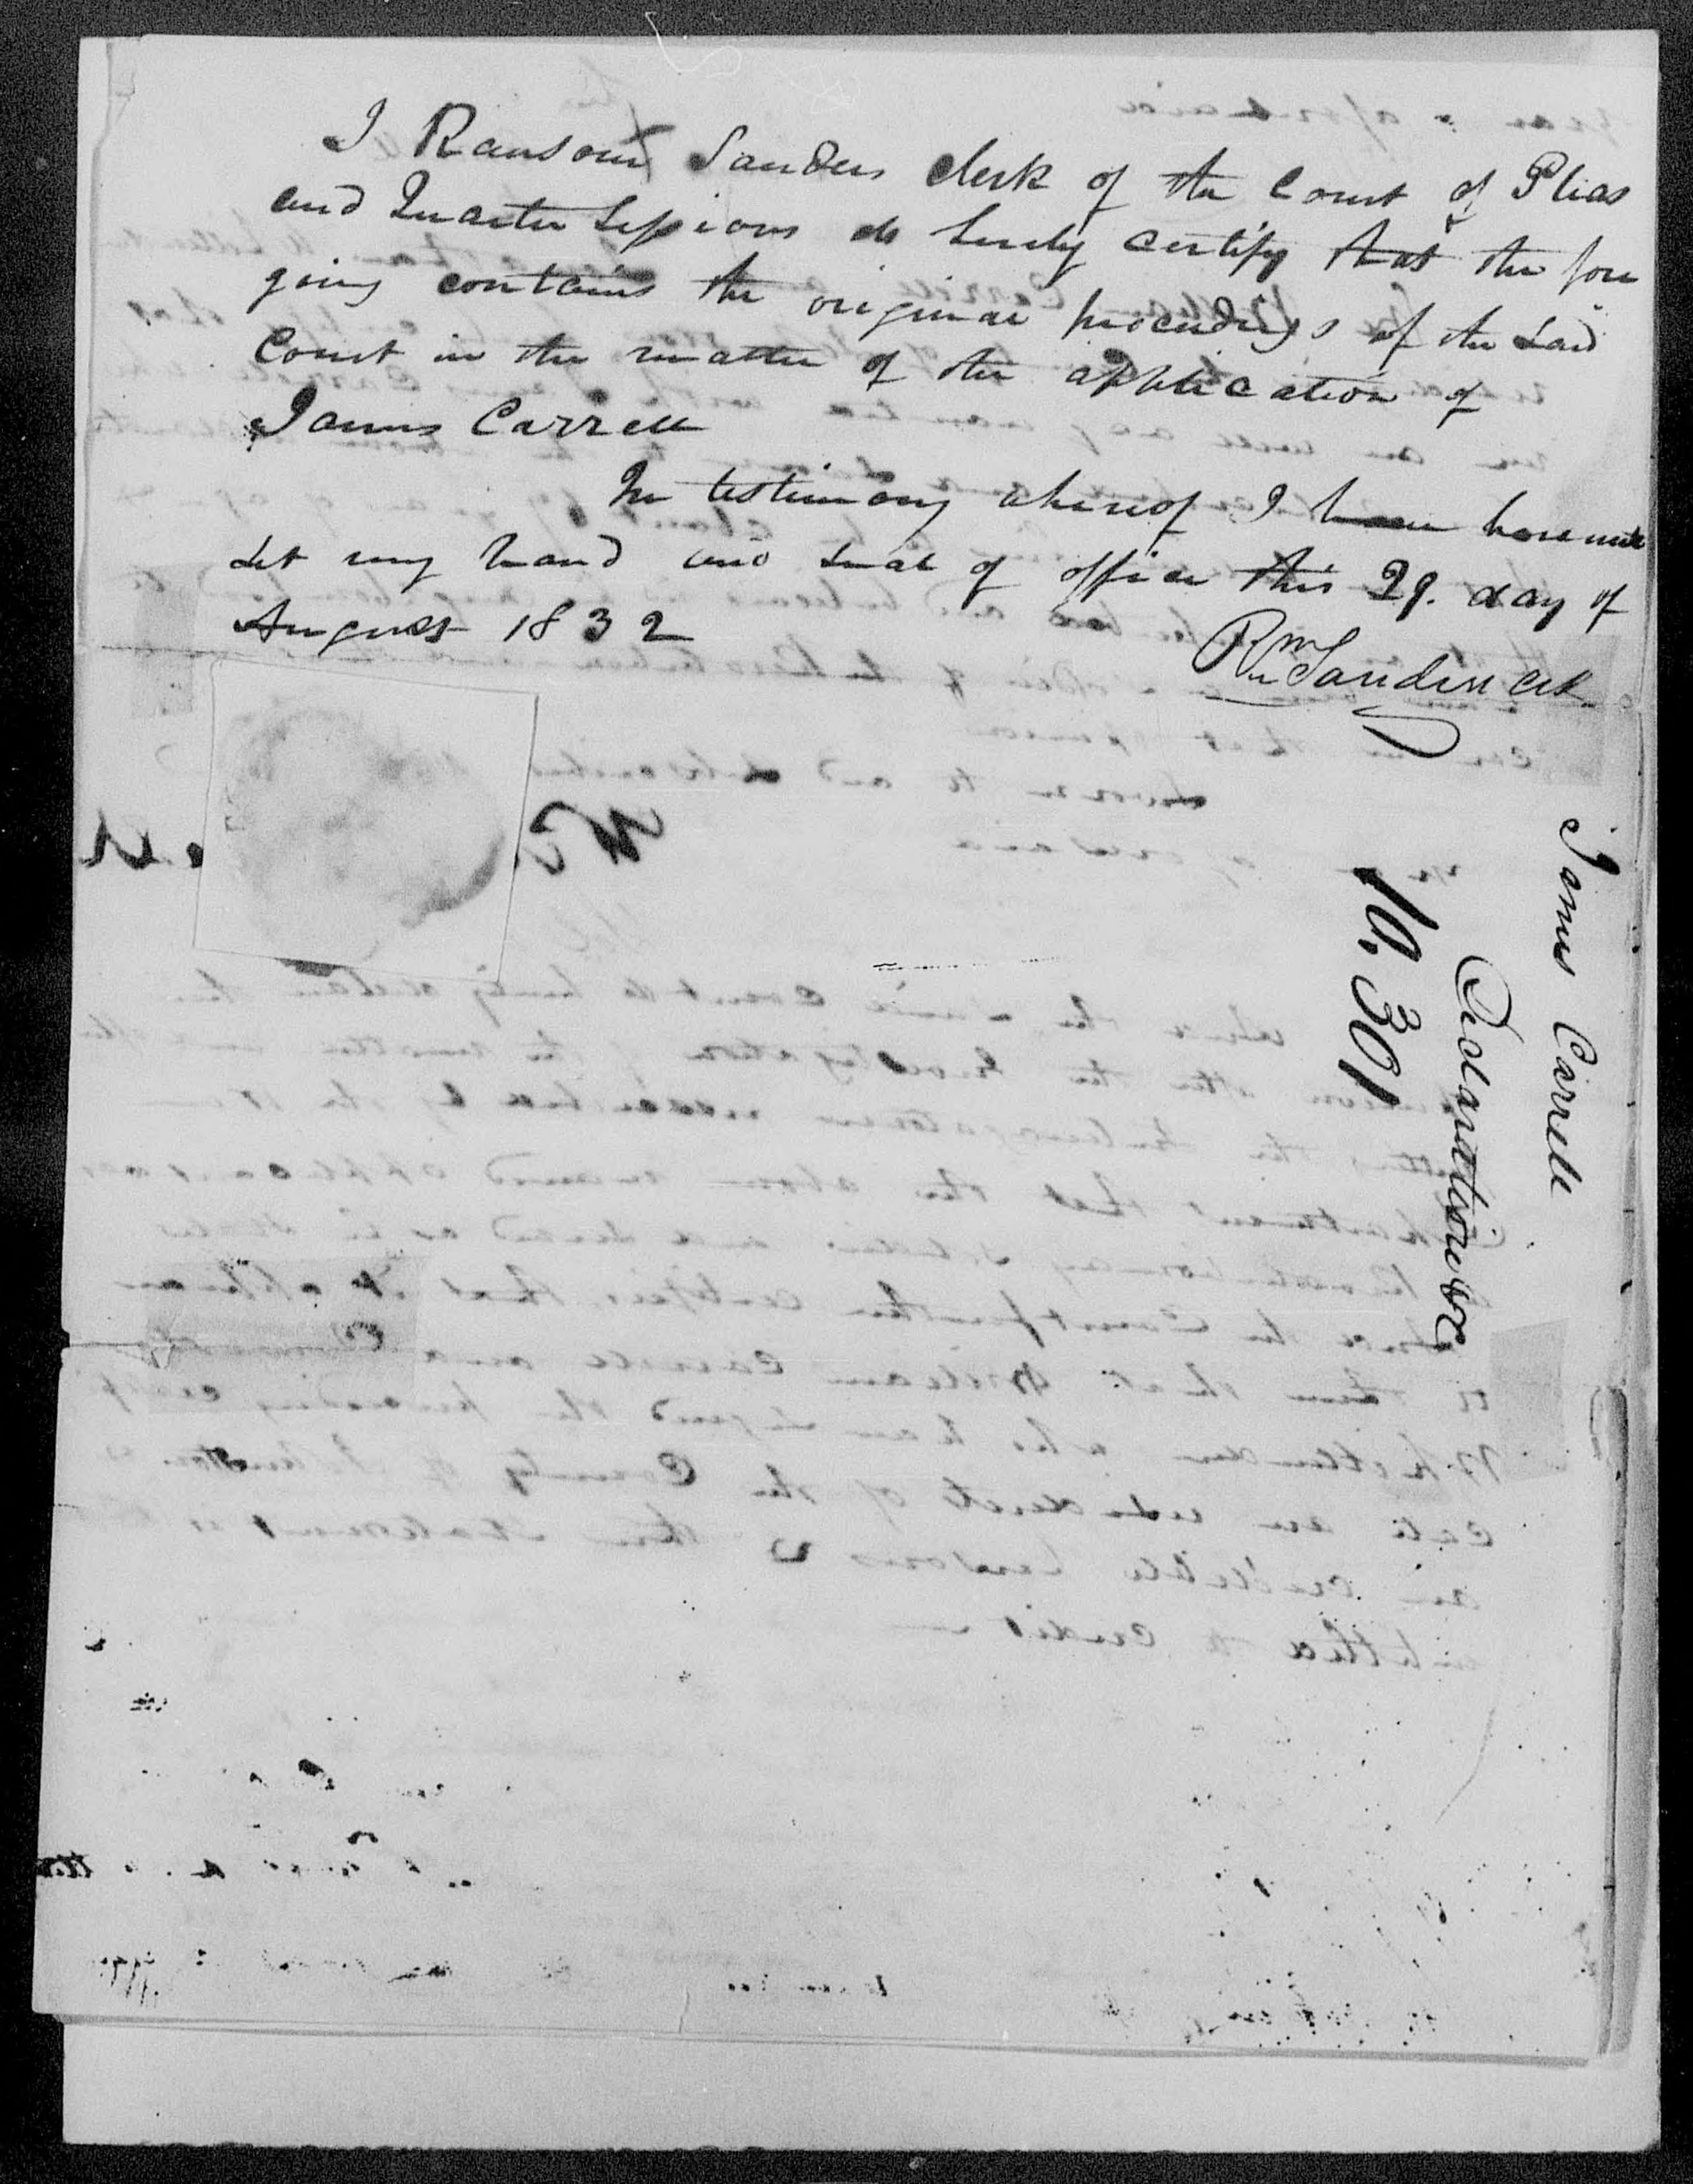I Ransom Sanders Clerk of the Court of Pleas and Quarter Sessions do hereby certify that the foregoing contains the original proceedings of teh said court in the matter of the application of James Carrell.
In testimony whereof I have hereunto set my hand and seal of office this 29 Day of August 1832   Rm Sanders Clk

James Carrell
Declaration 
10.301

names: Rm Sanders, James Carrell, James Carrell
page: 6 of 86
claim: widow's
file: W. 6899, James Carrell, N.C.